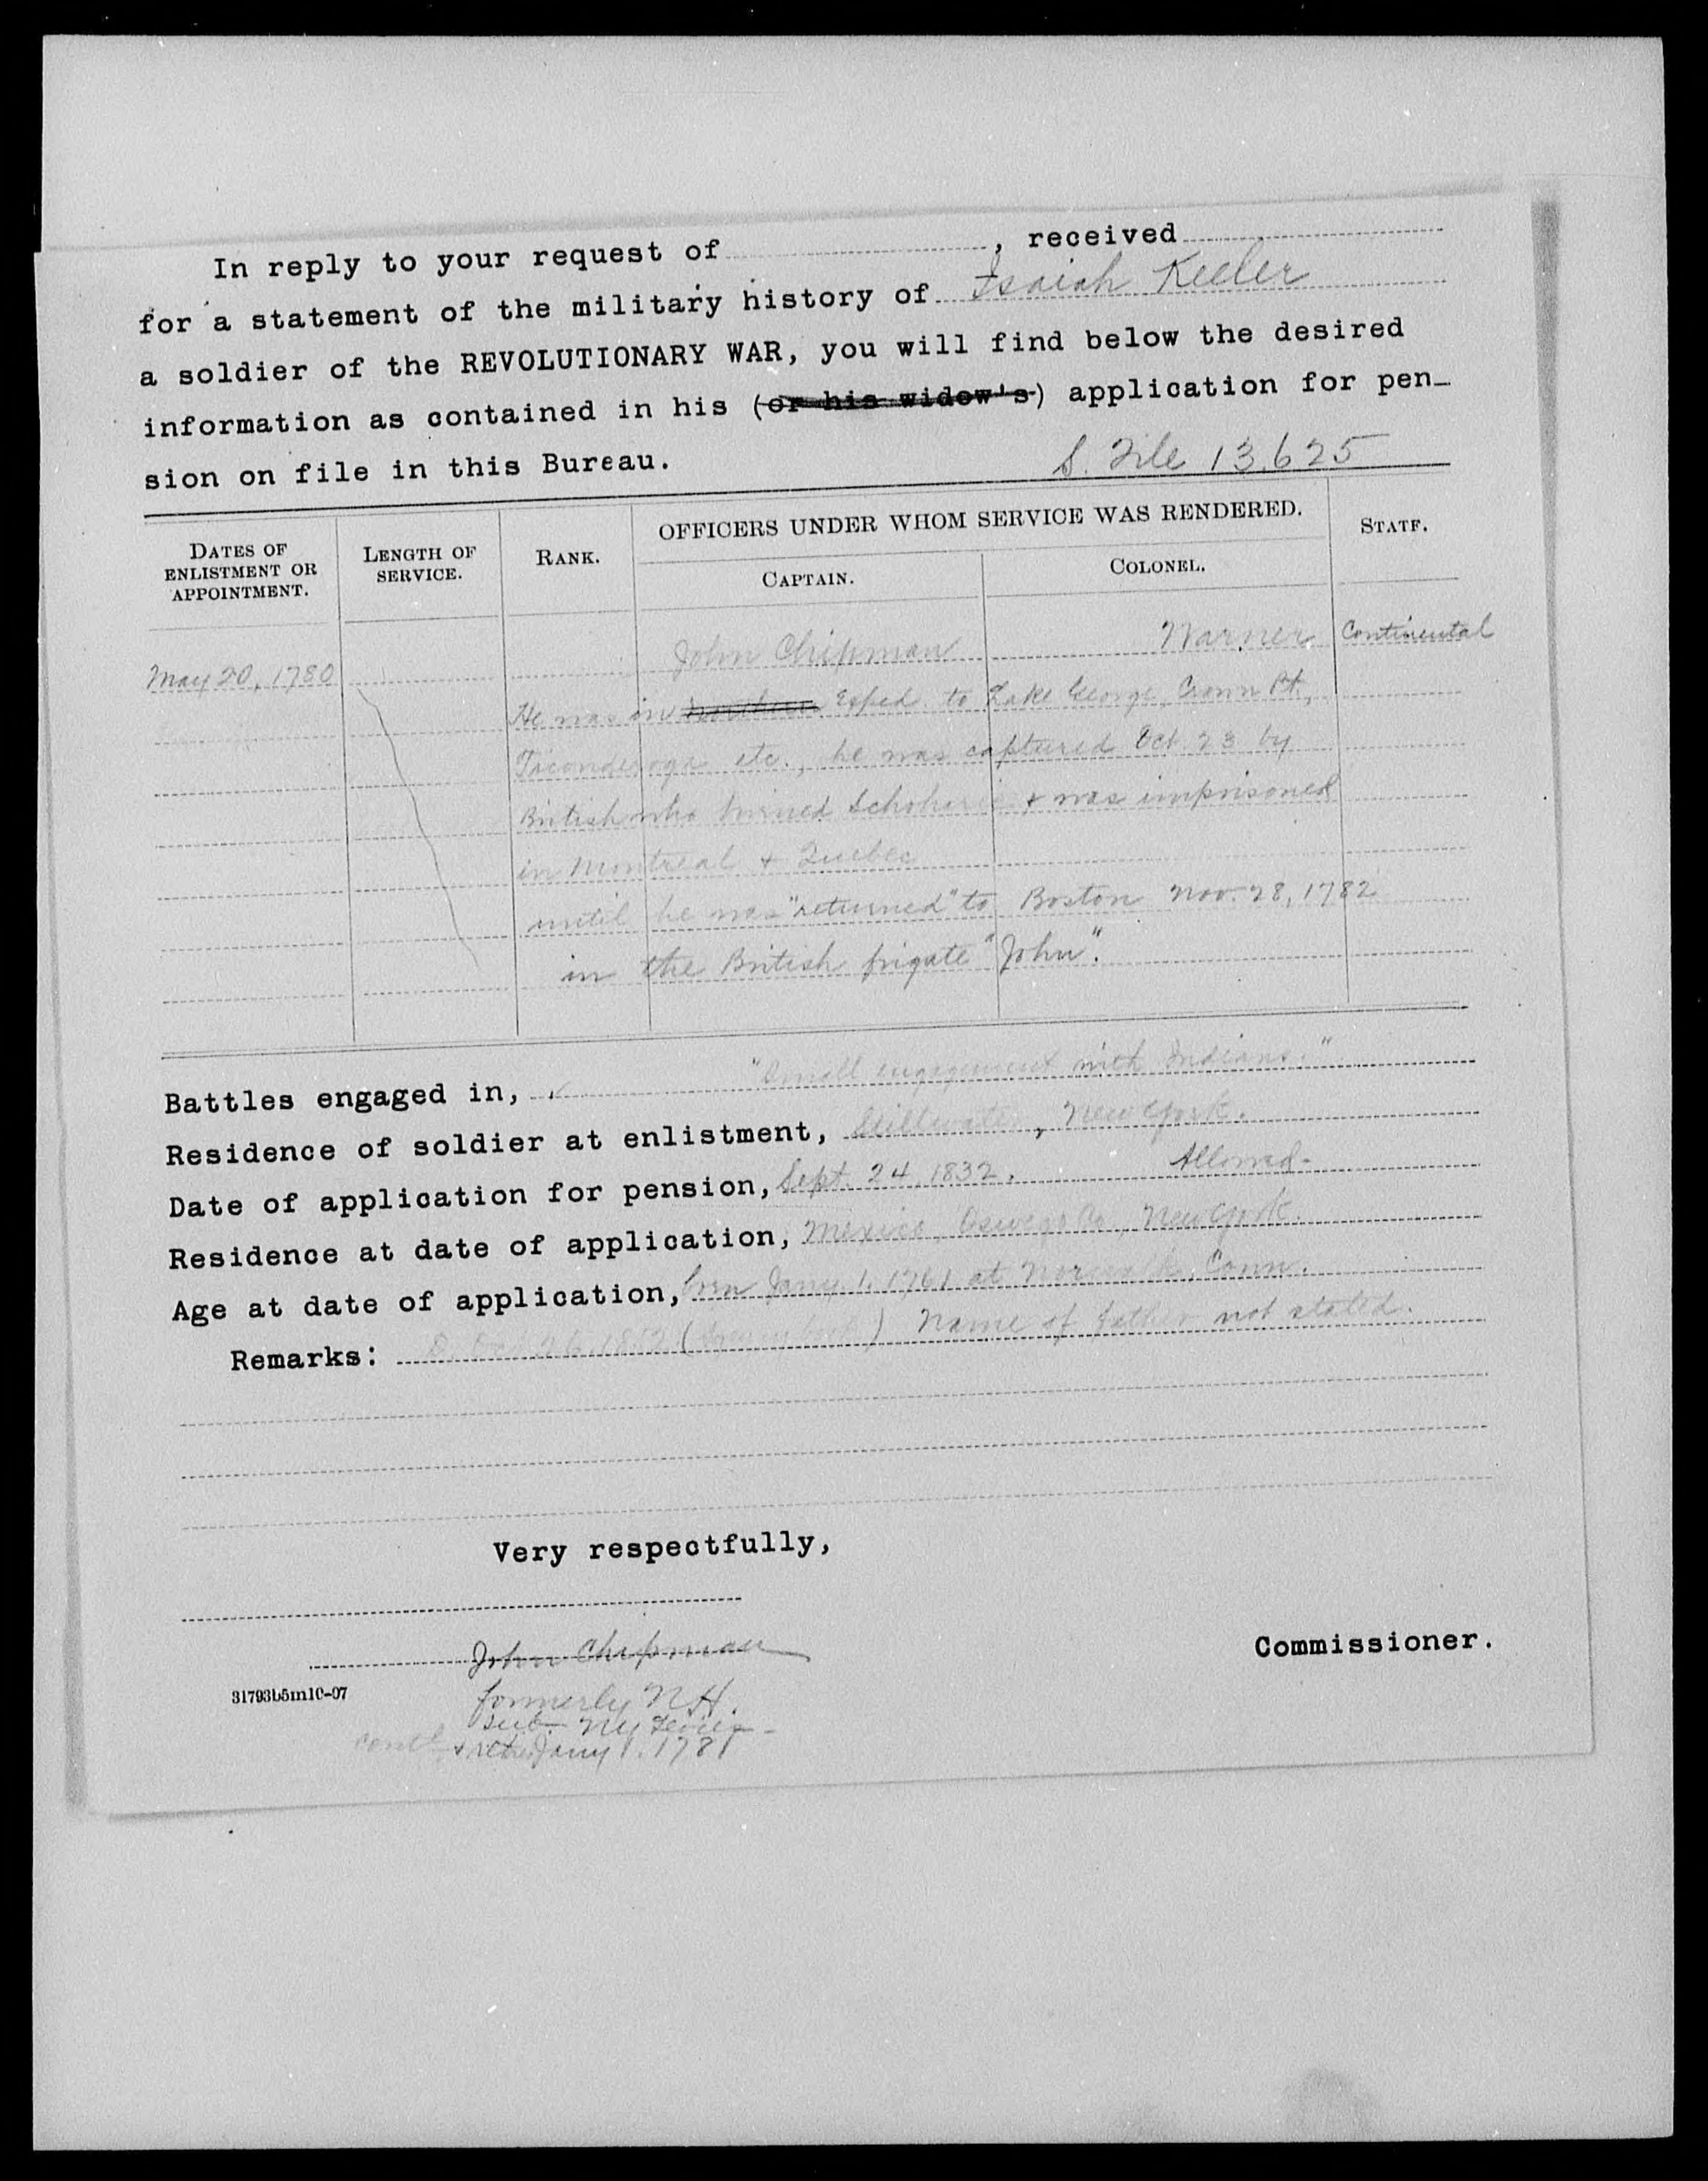https://catalog.archives.gov/images/misc/drag.pngIn reply to your request of
received
for a statement of the military history of Isaiah Keeler
a soldier of the REVOLUTIONARY WAR, you will find below the desired
information as contained in his (or his widow's) application for pension on file in this Bureau.
S. File 13.625
DATES OF
ENLISTMENT OR
APPOINTMENT.
May 20, 1780
LENGTH OF
SERVICE.
RANK.
the
OFFICERS UNDER WHOM SERVICE WAS RENDERED.
CAPTAIN.
COLONEL.
John Chipman
Warner
He was in exped. to Lake George, Crown Pt.
Ticonderoga, etc, he was captured Oct 23 by
British who burned Schoharie and was imprisoned in Montreal + Quebec
until he was "returned" to
Boston  Nov. 28, 1782
in the British frigate "John".
STATE.
Continental
Battles engaged in, "small engagement with Indians"
Residence of soldier at enlistment, Stillwater, New York
Date of application for pension, Sept 24 1832.
Allen
Residence at date of application, Mexico, Oswego Co, New York
Age at date of application, born Jany 1, 1761 at Norwalk Conn.
Remarks: name of father not stated

Very respectfully,
John Chipman
formerly N H
sub NY 
Jany 1, 1781
Commissioner.
31793b5m10-07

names: [BLANK] Warner; John Chipman; Isaiah Keeler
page: 18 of 26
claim: survivor's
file: S. 13,625, for Isaiah Keeler, New York